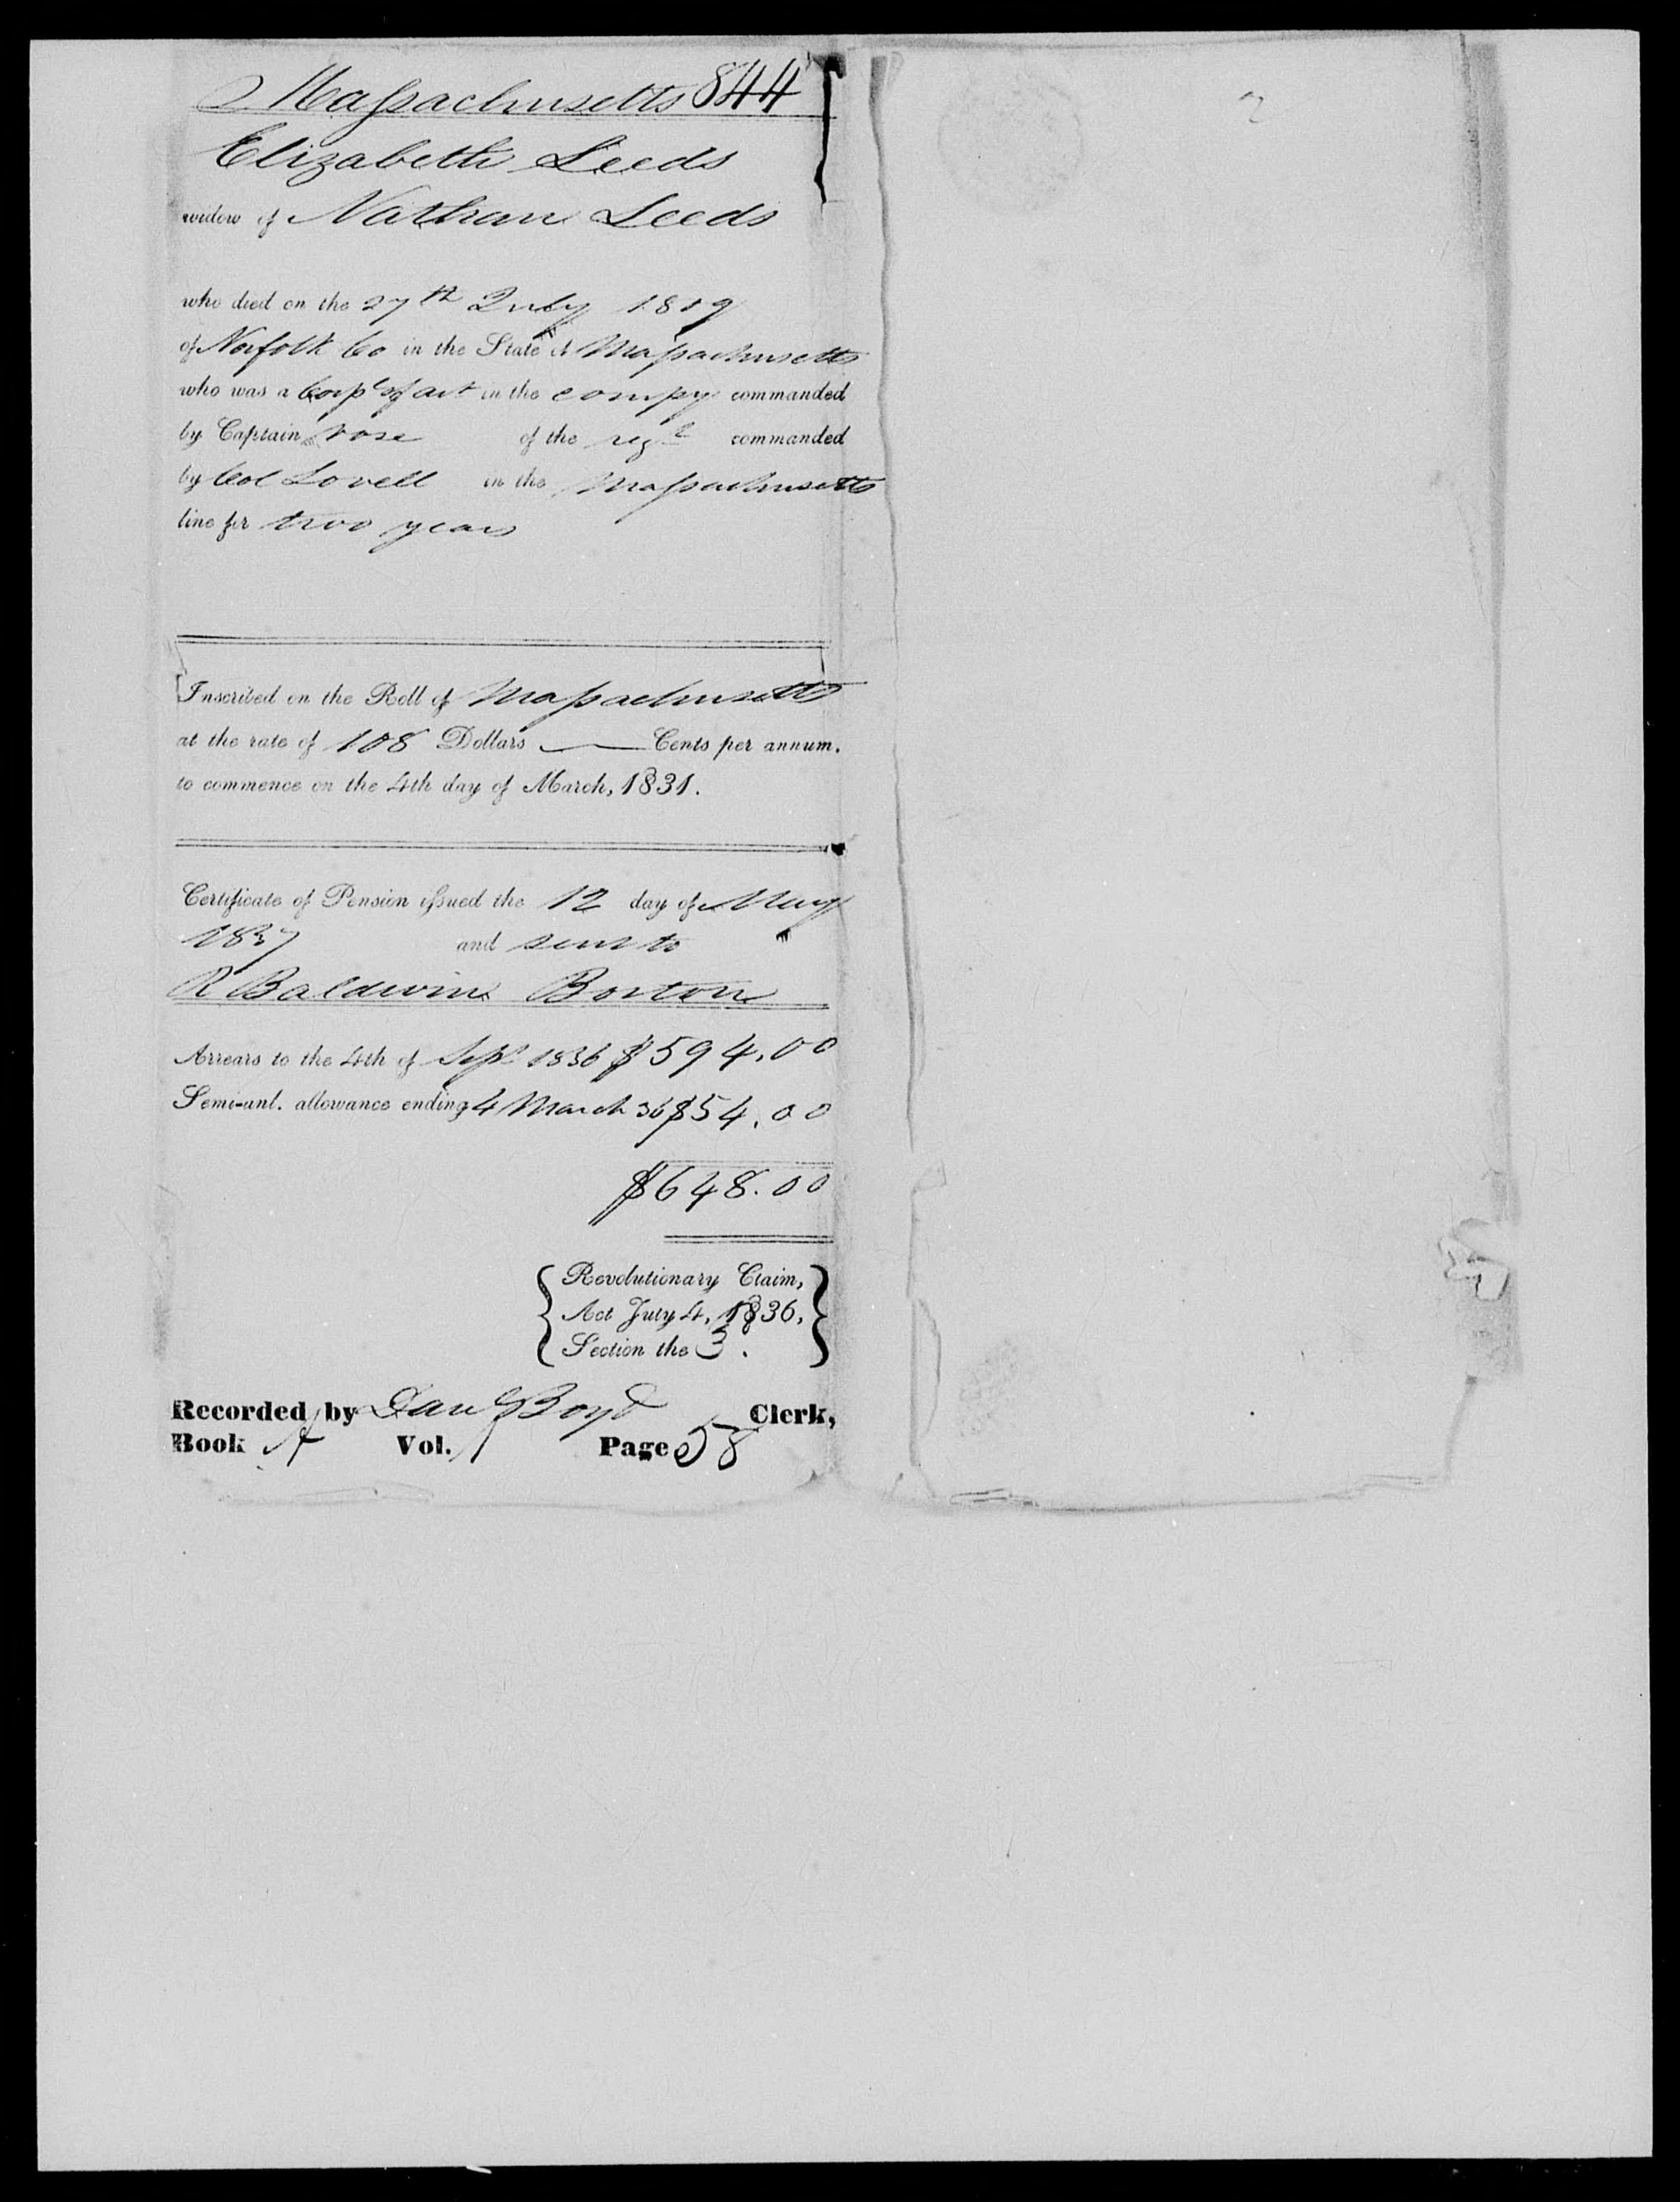Massachusetts 844
Elizabeth Leeds widow of Nathan Leeds
who died on the 27th July 1819
of Norfolk Co in the State of Massachusetts who was a Corpl. in the company commanded by Captain Rose of the reg. commanded by Col. Lovell in the Massachusetts line for two years
Inscribed on the roll of Massachusetts
at the rate of $108 Dollars ---- Cents per annum.
to commence on the 4th day of March,1831.
Certificate of Pension issued  the 12th day of 
May 1837 and sent to R Baldwin Boston
arrears to the 4th of Sept 1836 $594.00
Semi-anl. allowance ending 4 March 36 $54.00
$648.00
Revolutionary Claim, Act July 4, 1836,
Section the 3.
Recorded by Danl. Boyd clerk,
Book [A?] Vol. [1?] Page 58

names: Elizabeth Leeds; Danl Boyd; [BLANK] Vose; R Baldwin; Nathan Leeds; [BLANK] Lovell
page: 2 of 33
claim: widow's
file: W. 21,567, for Nathan Leeds, Massachusetts